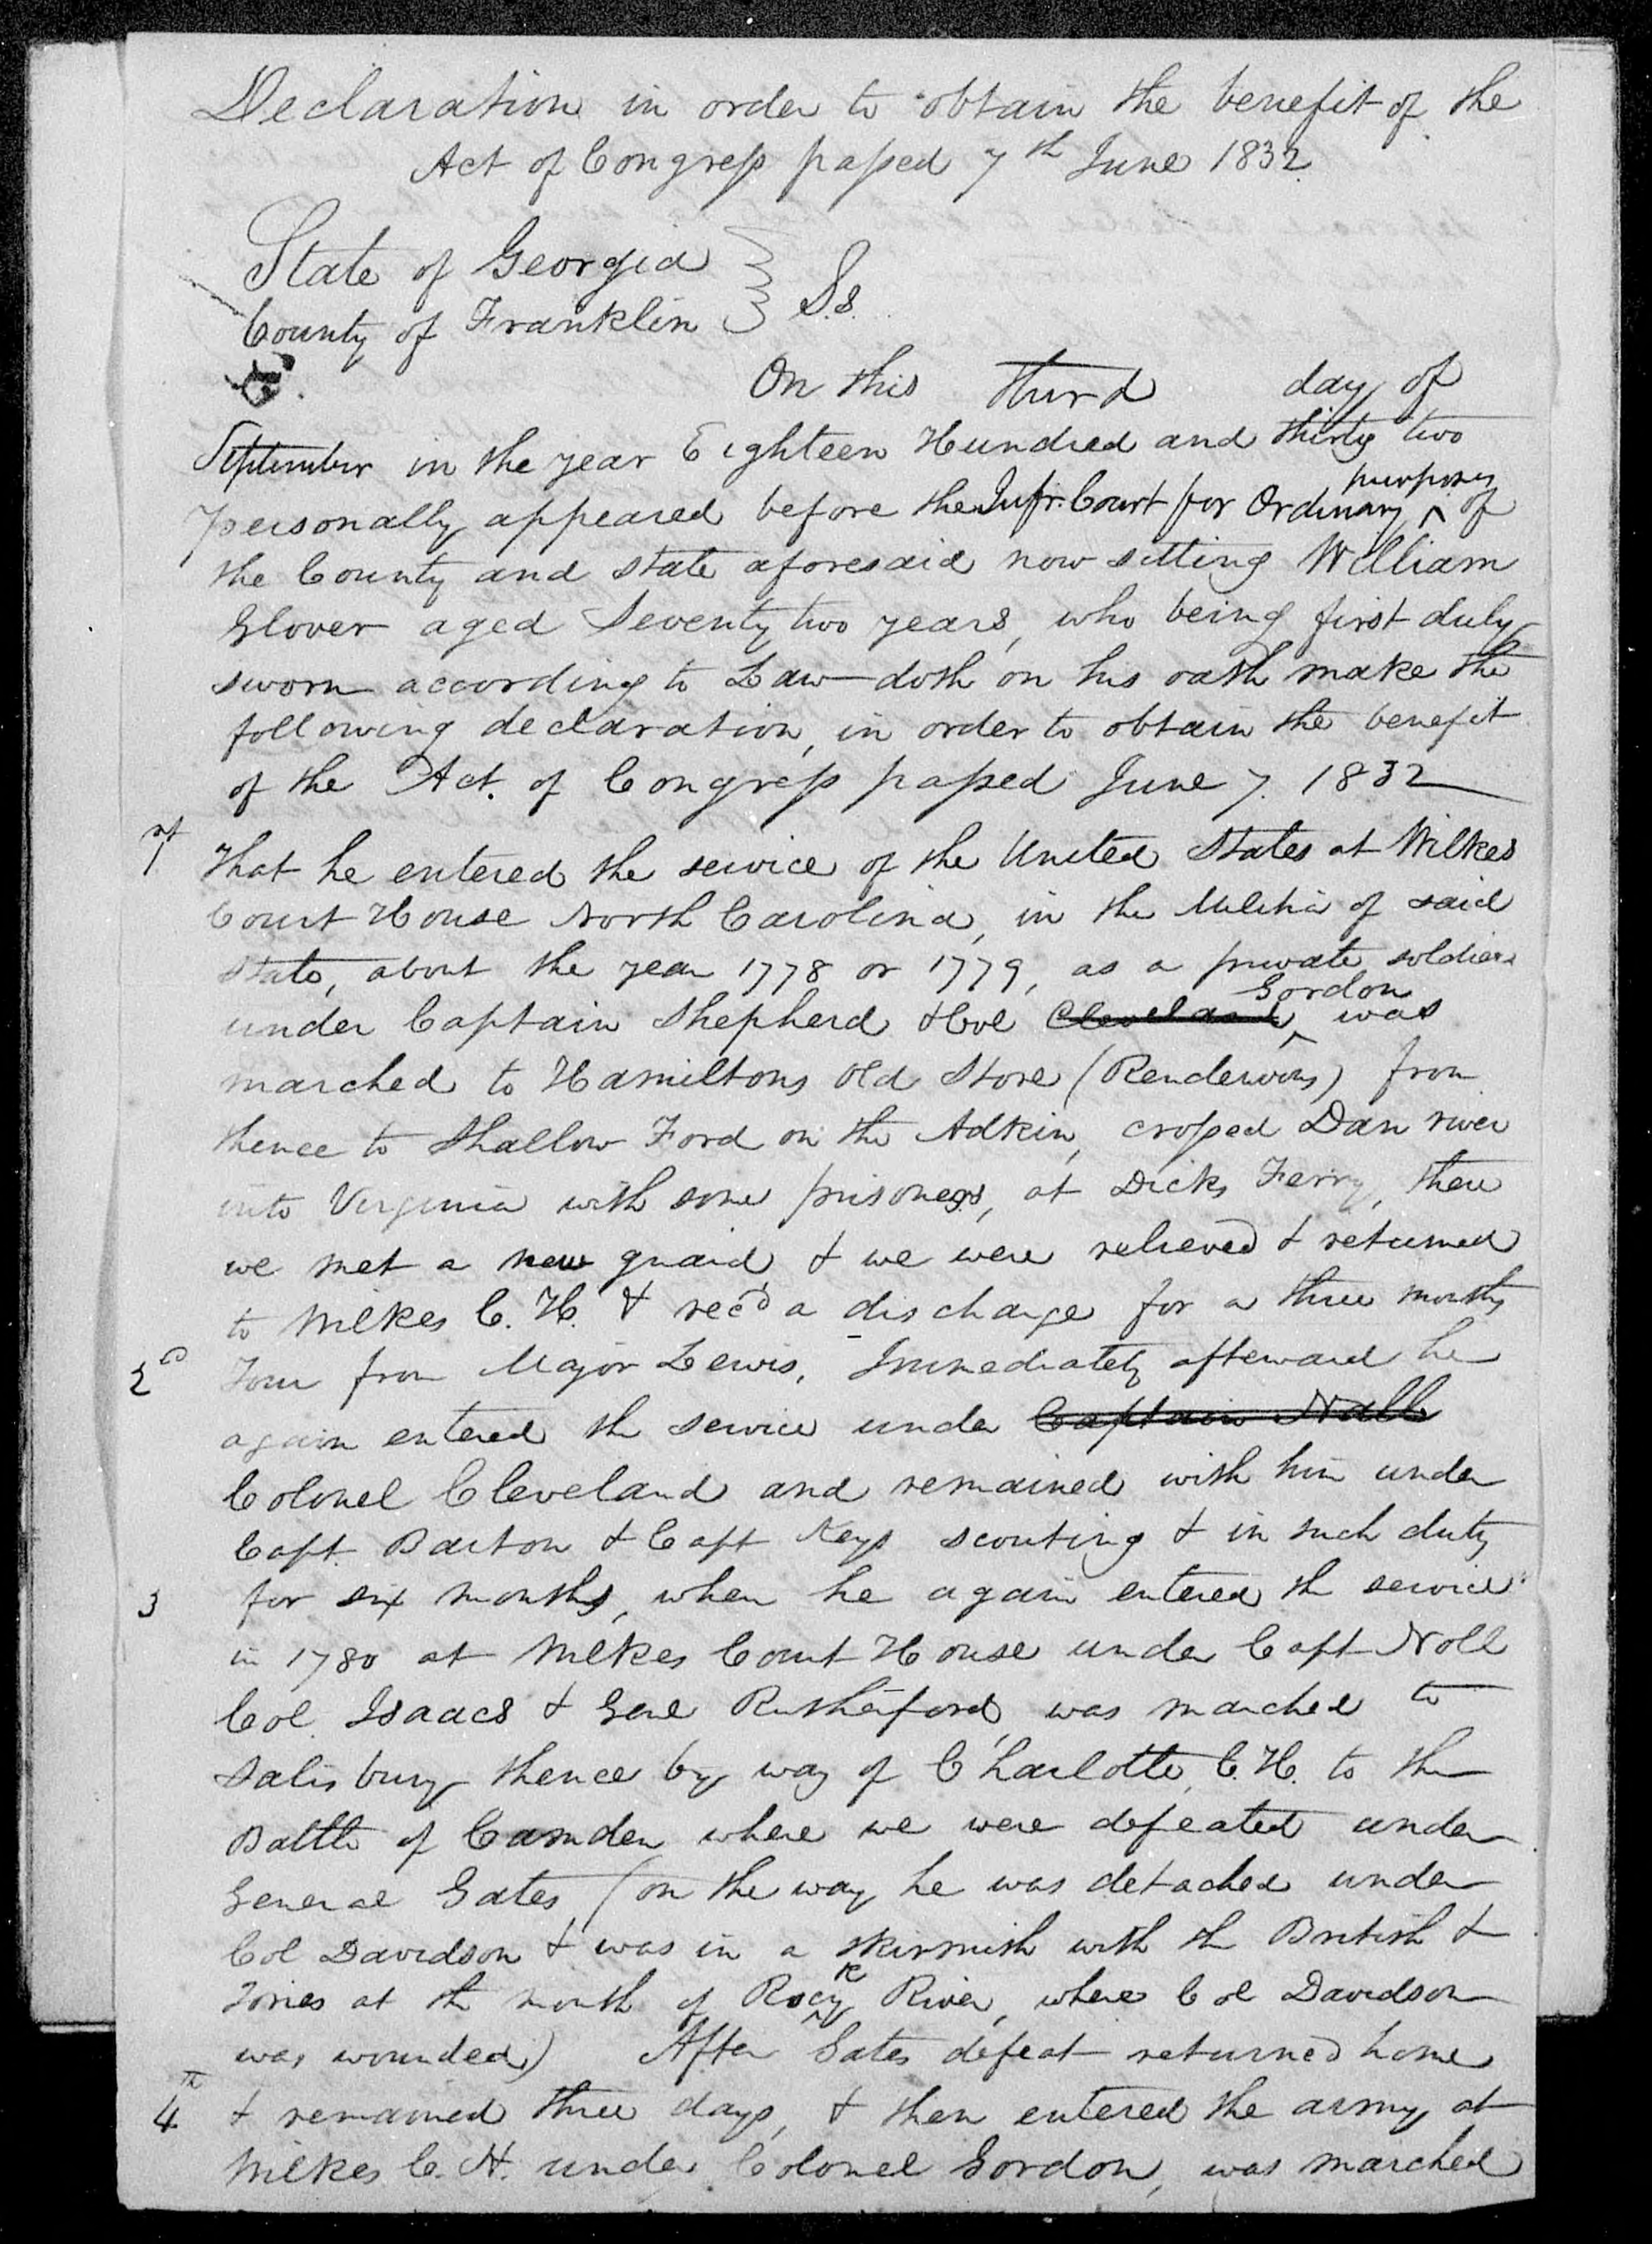Declaration in order to obtain the benefit of the Act of Congress passed 7th June 1832

State of Georgia}
County of Franklin} S.S.

On this third day of September in the year Eighteen Hundred and thirty two personally appeared before the Infr. Court for Ordinary ^purposes of the County and state aforesaid now sitting William Glover aged Seventy two years, who being first duly sworn according to Law doth on his oath make the following declaration, in order to obtain the benefit of the Act of Congress passed June 7, 1832 that he entered the service of the United States at Wilkes  Court House North Carolina, in the Militia of said state, about the year 1778 or 1779, as a private soldier under Captain Shepherd Hoe Gordon was marched to Hamiltons old shore (Rendevous) from thence to Shallow Ford in the Adkin, crossed Dan river into Virginia with some prisoners at Dick Ferry, then we met a new guard & we were relieved & referred to Wilkes C. [illegible] & recd a discharge for a three month Tour from Major Lewis. Immediately afterward he again entered the service under Colonel G Cleveland and remained with him under Capt Barton & Capt Keys scouting & in such duty for six months, when he again entered the service in 1780 at Wilkes Court House under Capt Noll Col Isaacs & Lue Rutherford was marched to Salisbury thence by way of Charlotte CH to the south of Camden where we were defeated under General Gates on the way he was detached under Col Davidson & was in a skirmish with the British & Tories at the north of Rocky River, where Col Davidson was wounded. After Gates defeat returned home & remained three days, & then entered the army  of Wilkes C.H. under Colonel Gordon was marched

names: Lewis, Barton, Isaacs, Keys, Shepherd, Gordon, Rutherford, Gates, William Glover, Gordon, Davidson, Davidson, Cleveland, Noll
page: 5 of 51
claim: widow's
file: W. 929, William Glover, N.C.